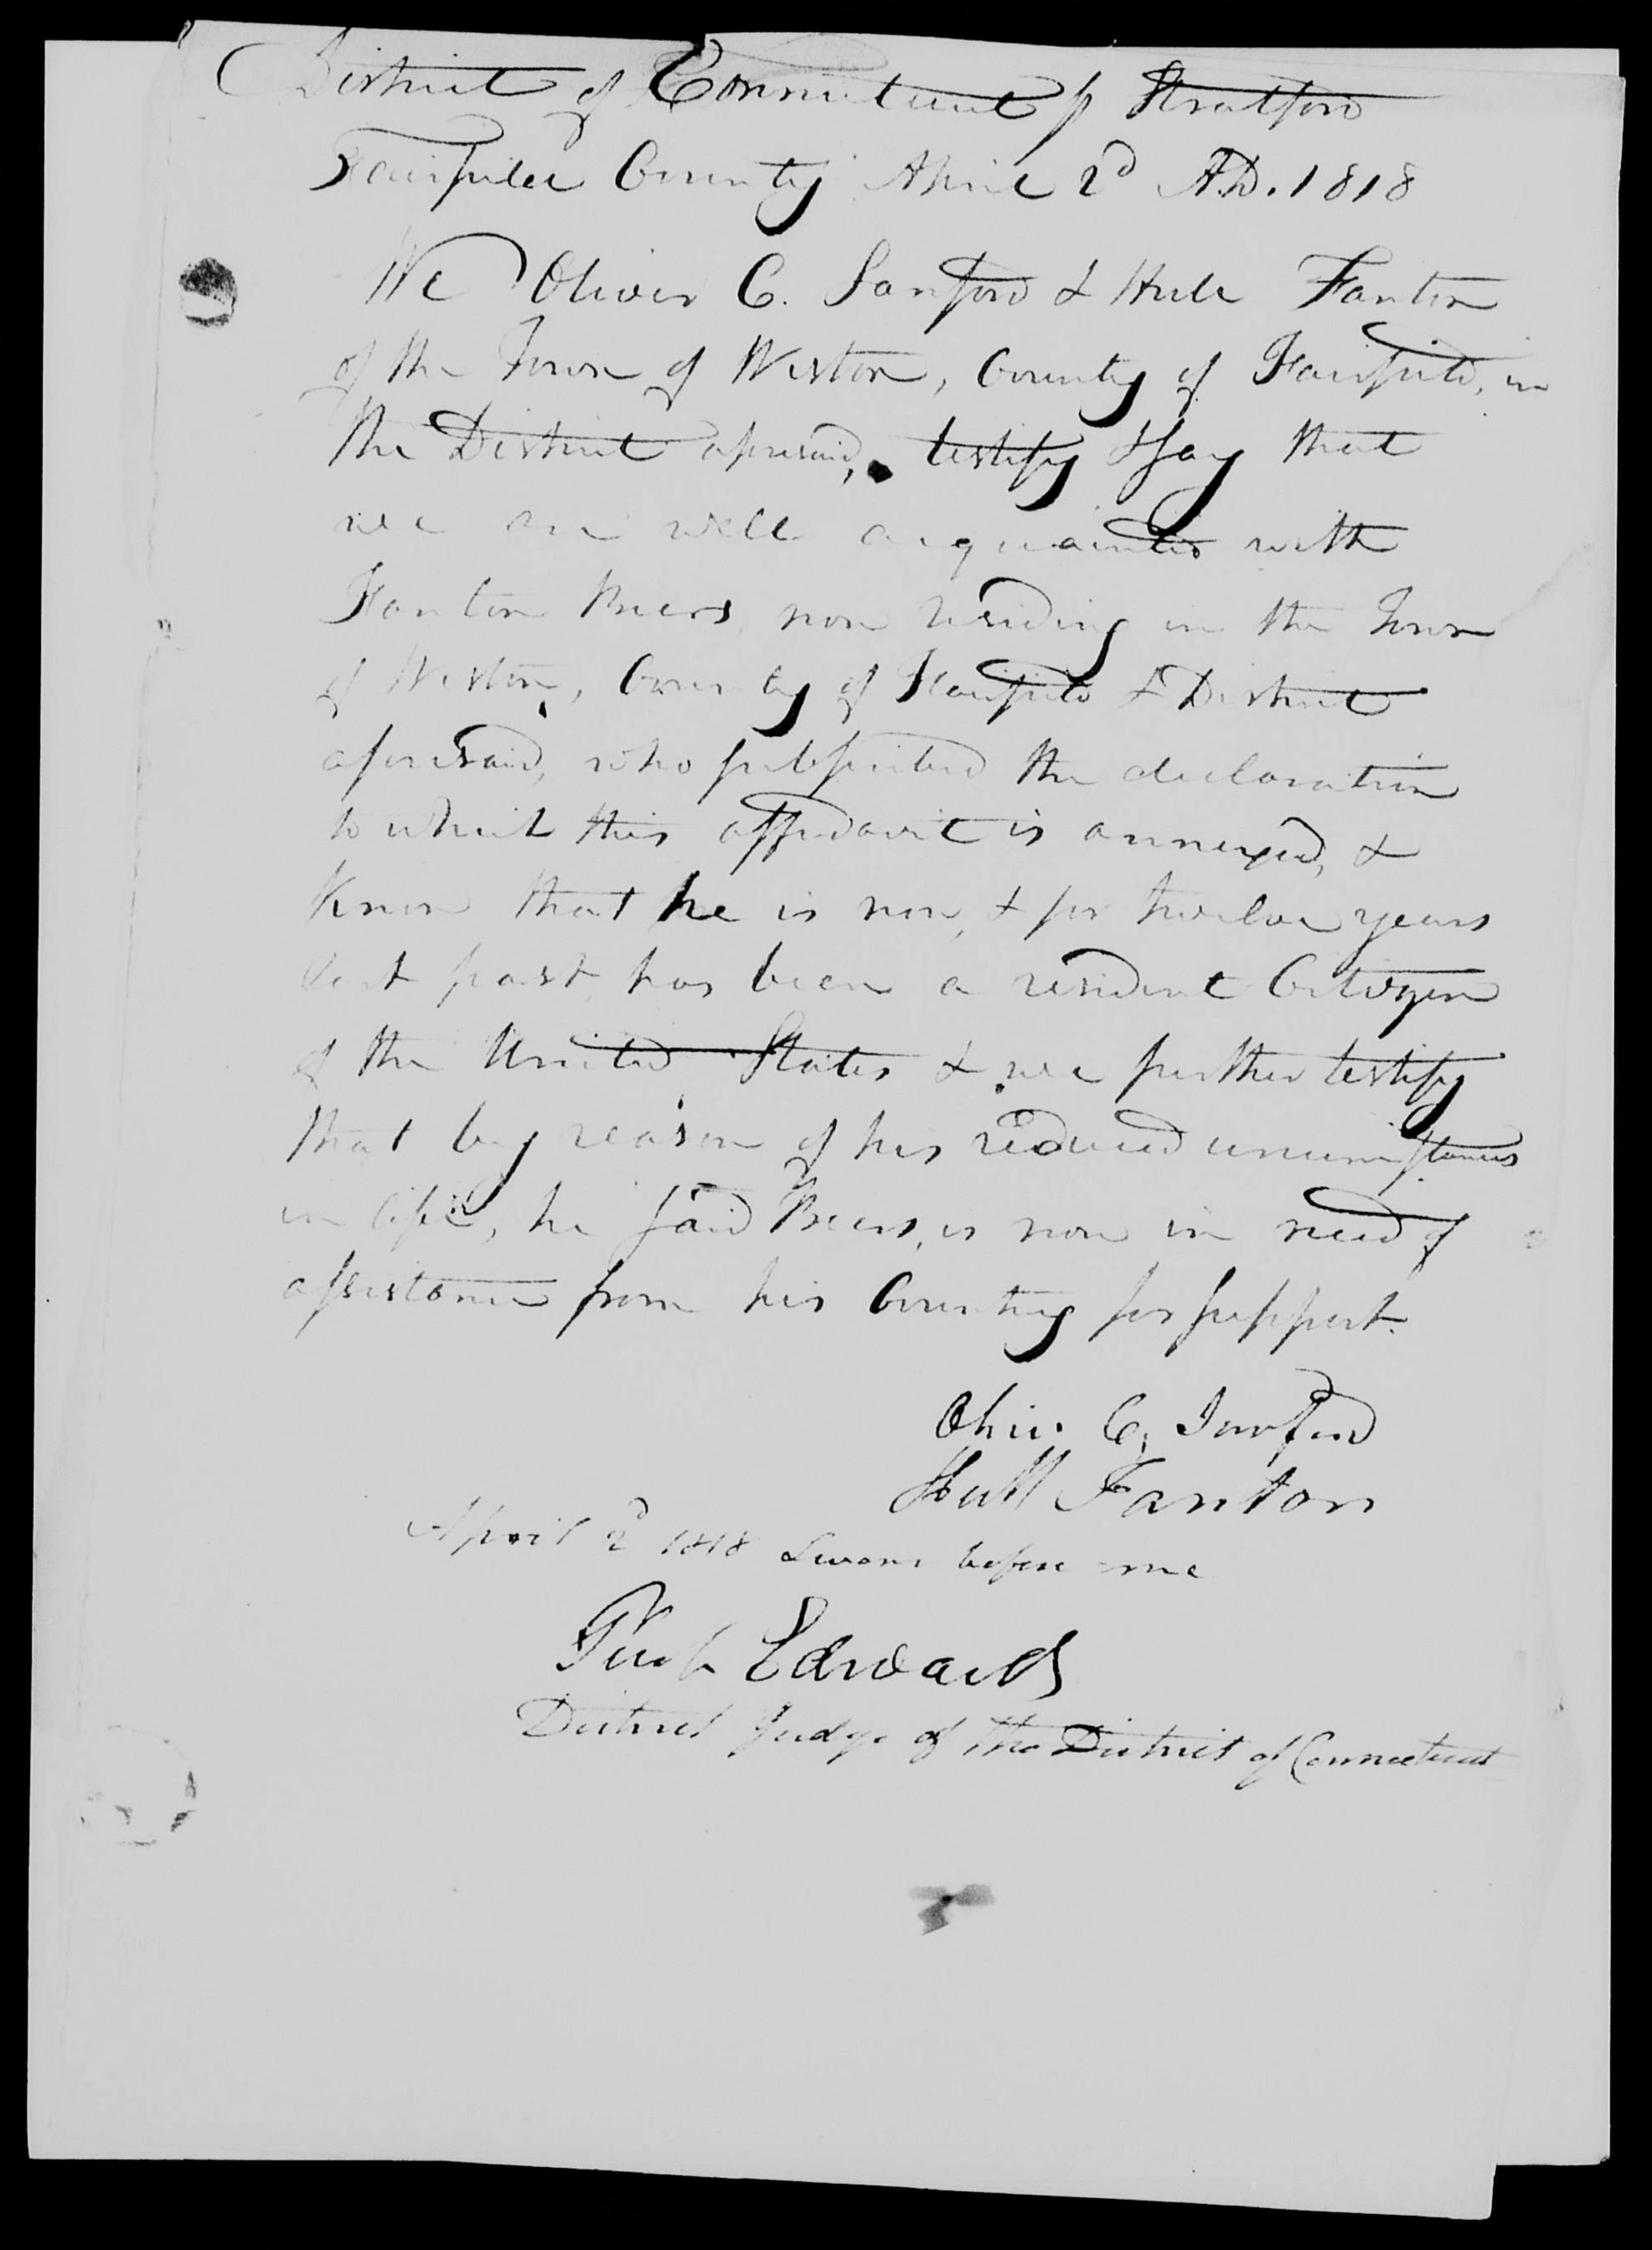District of Connecticut Hartford, Fairfield County. April 2nd AD 1818
We Oliver  C. Fanton & Hule Fanton of the Town of Weston, County of Fairfield in the District aforesaid, testify about & say that we are well acquainted with Fenton Beers now residing in the town of Weston County of Fairfield & District aforesaid, who prescribed the declaration to which this affidavit is annexed &  know that he is now & for twelve years next past has been a resident citizen of the United States & we further testify that by reason of his reduced circumstances in life, he Fent Beers is now in need of assistance from his Country for support. 

Oliver C. Sandford
Hull Fanton

April 2nd, 2828 Sworn before me
Pierp. Edwards
District Judge of the District of Connecticut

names: Oliver C Sanford, Pierp Edwards, Fanton Beers, Oliver C Sanford, Beers, Hule Fanton, Hull Fanton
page: 20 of 23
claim: survivor's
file: S. 37,750, Fanton Beers, Conn.